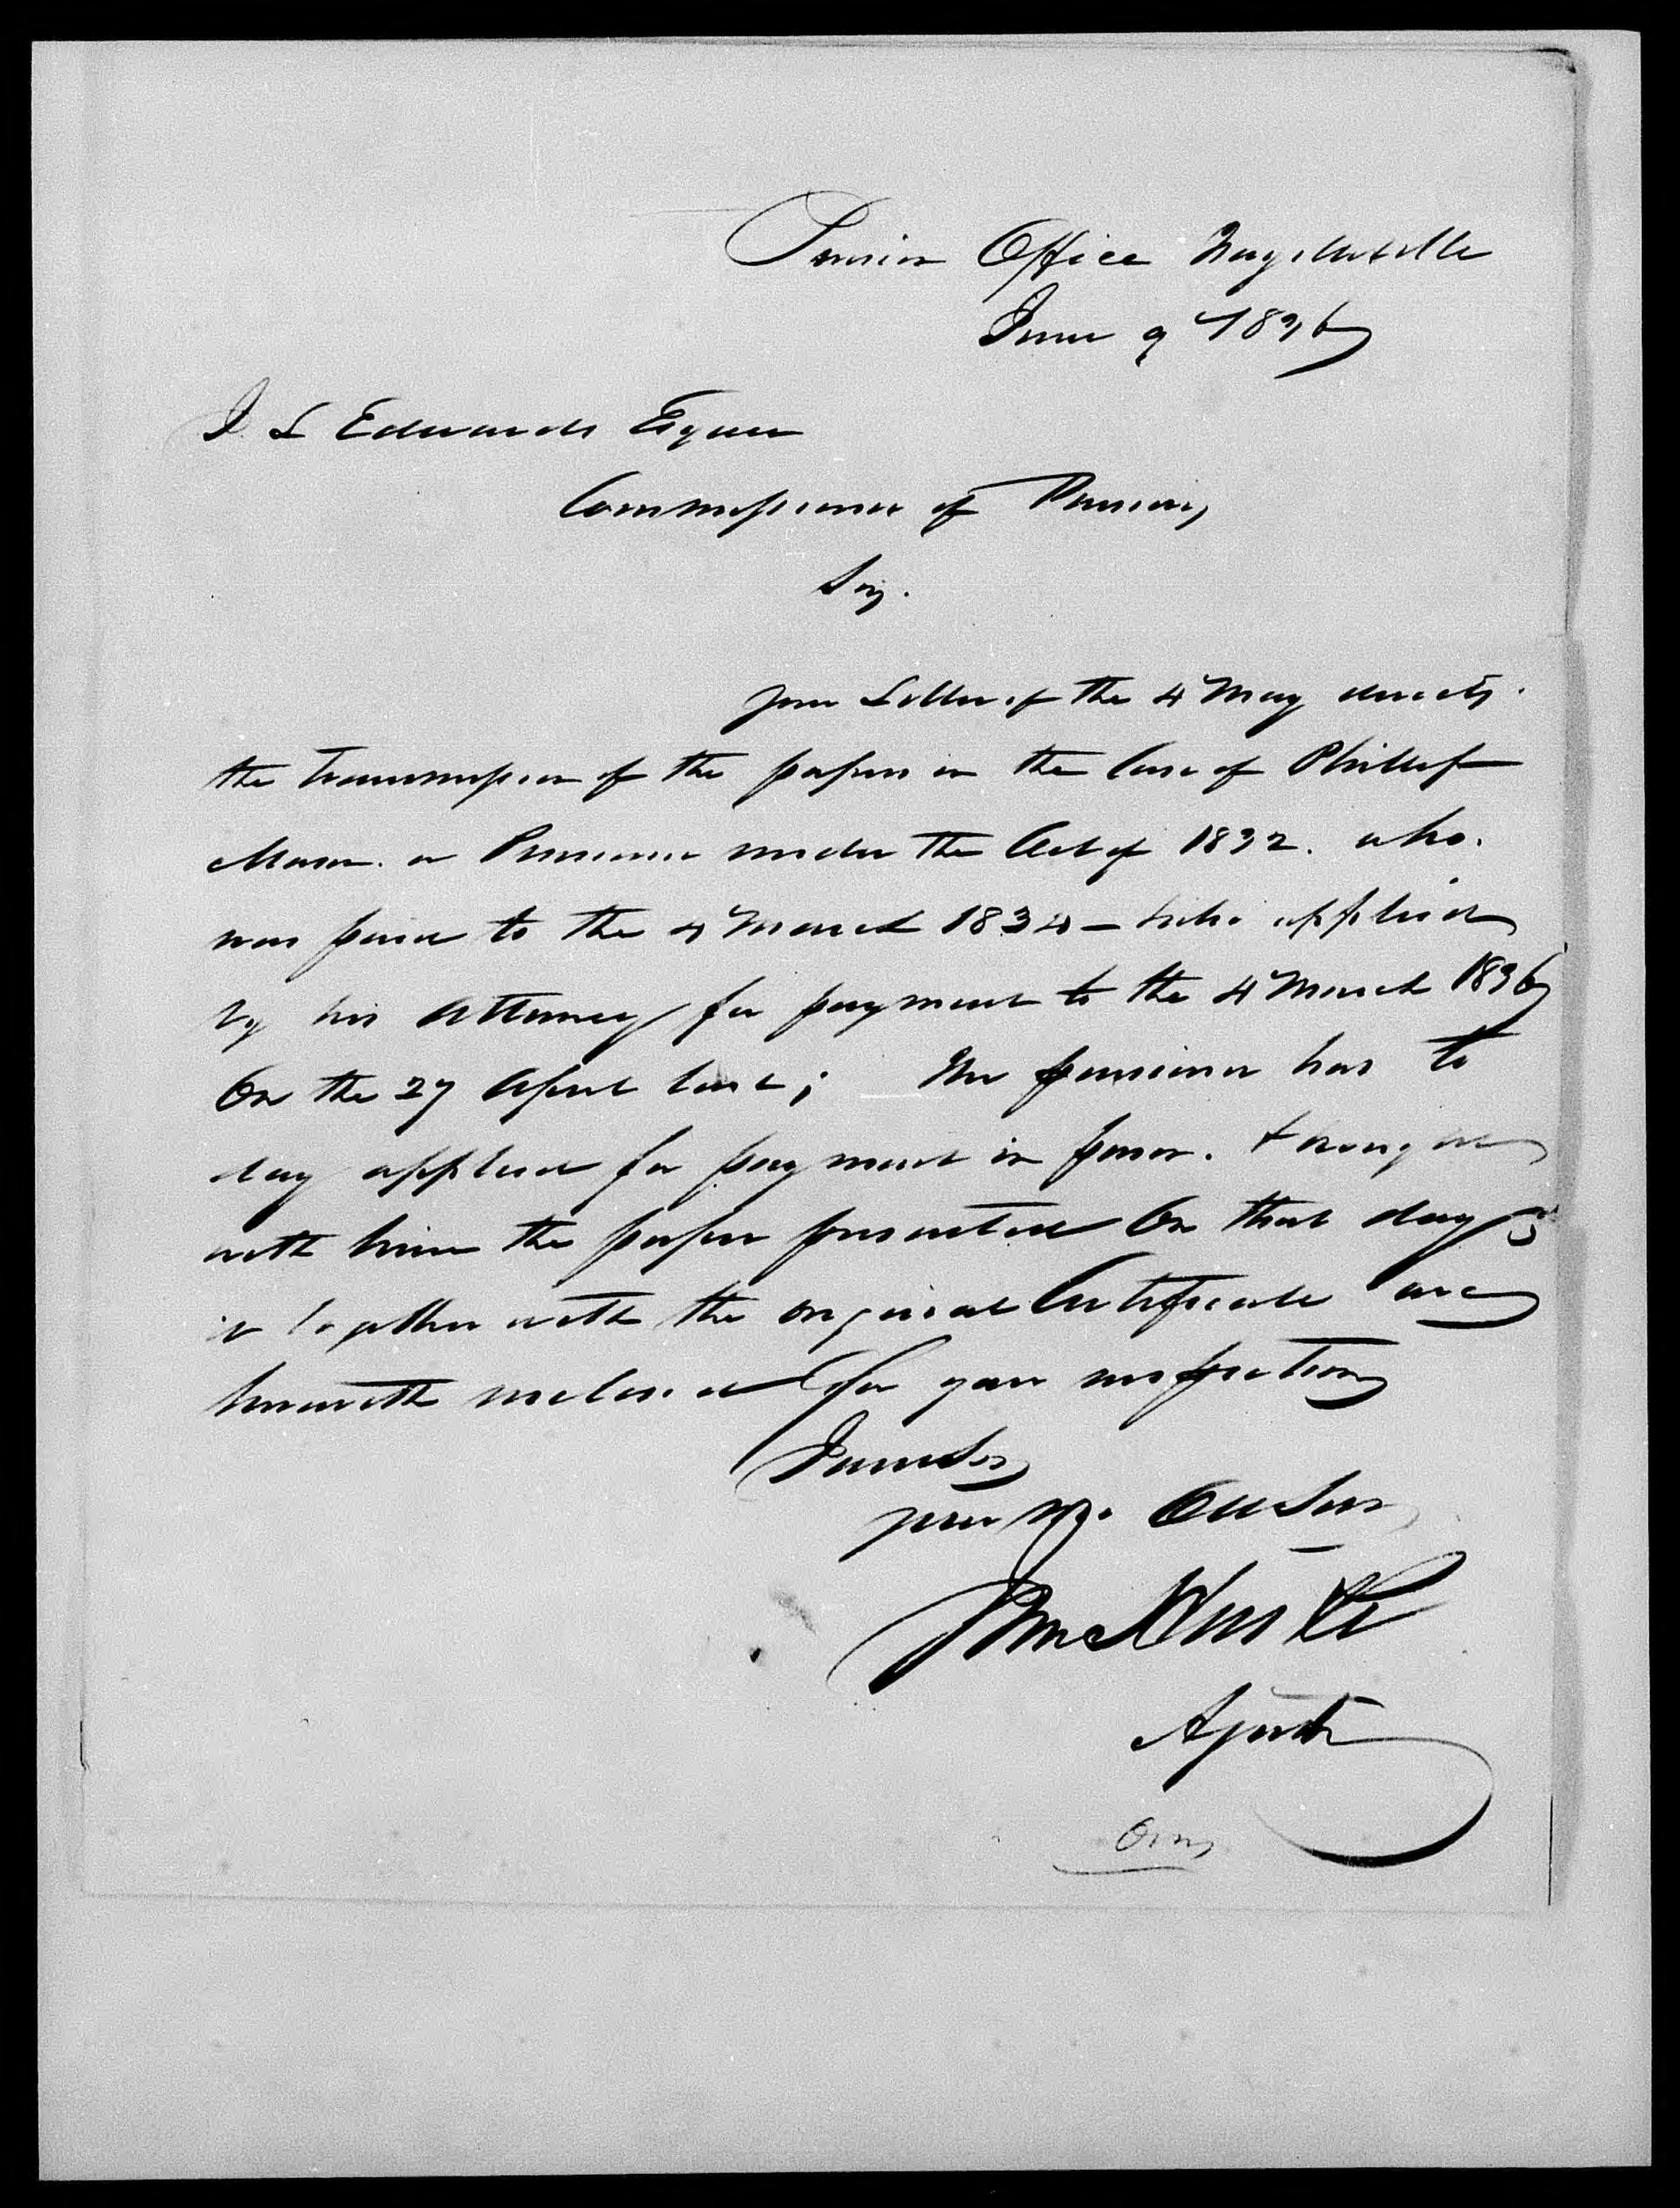Pension Office Maysville
June 8 1896
J L Edwards Equire
Commissioner of Pensions
Illegible
From Letter of the 4 May directs
the transportation of the papers in the case of Philip Mason on Pension under the Act of 1832 . who was paid to the 4 March 1834 - illegible 
by his attorney for payment to the 4 March 1836. On the 27 April last, the pension has to
day applied for payment in person & illegible
with him the paper presented on that day
together with the original certificate are illegible makes for your illegible.
Regards,
Illegible
Illegible
Illegible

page: 13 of 18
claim: survivor's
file: S. 8,994, for Philip Mason, North Carolina